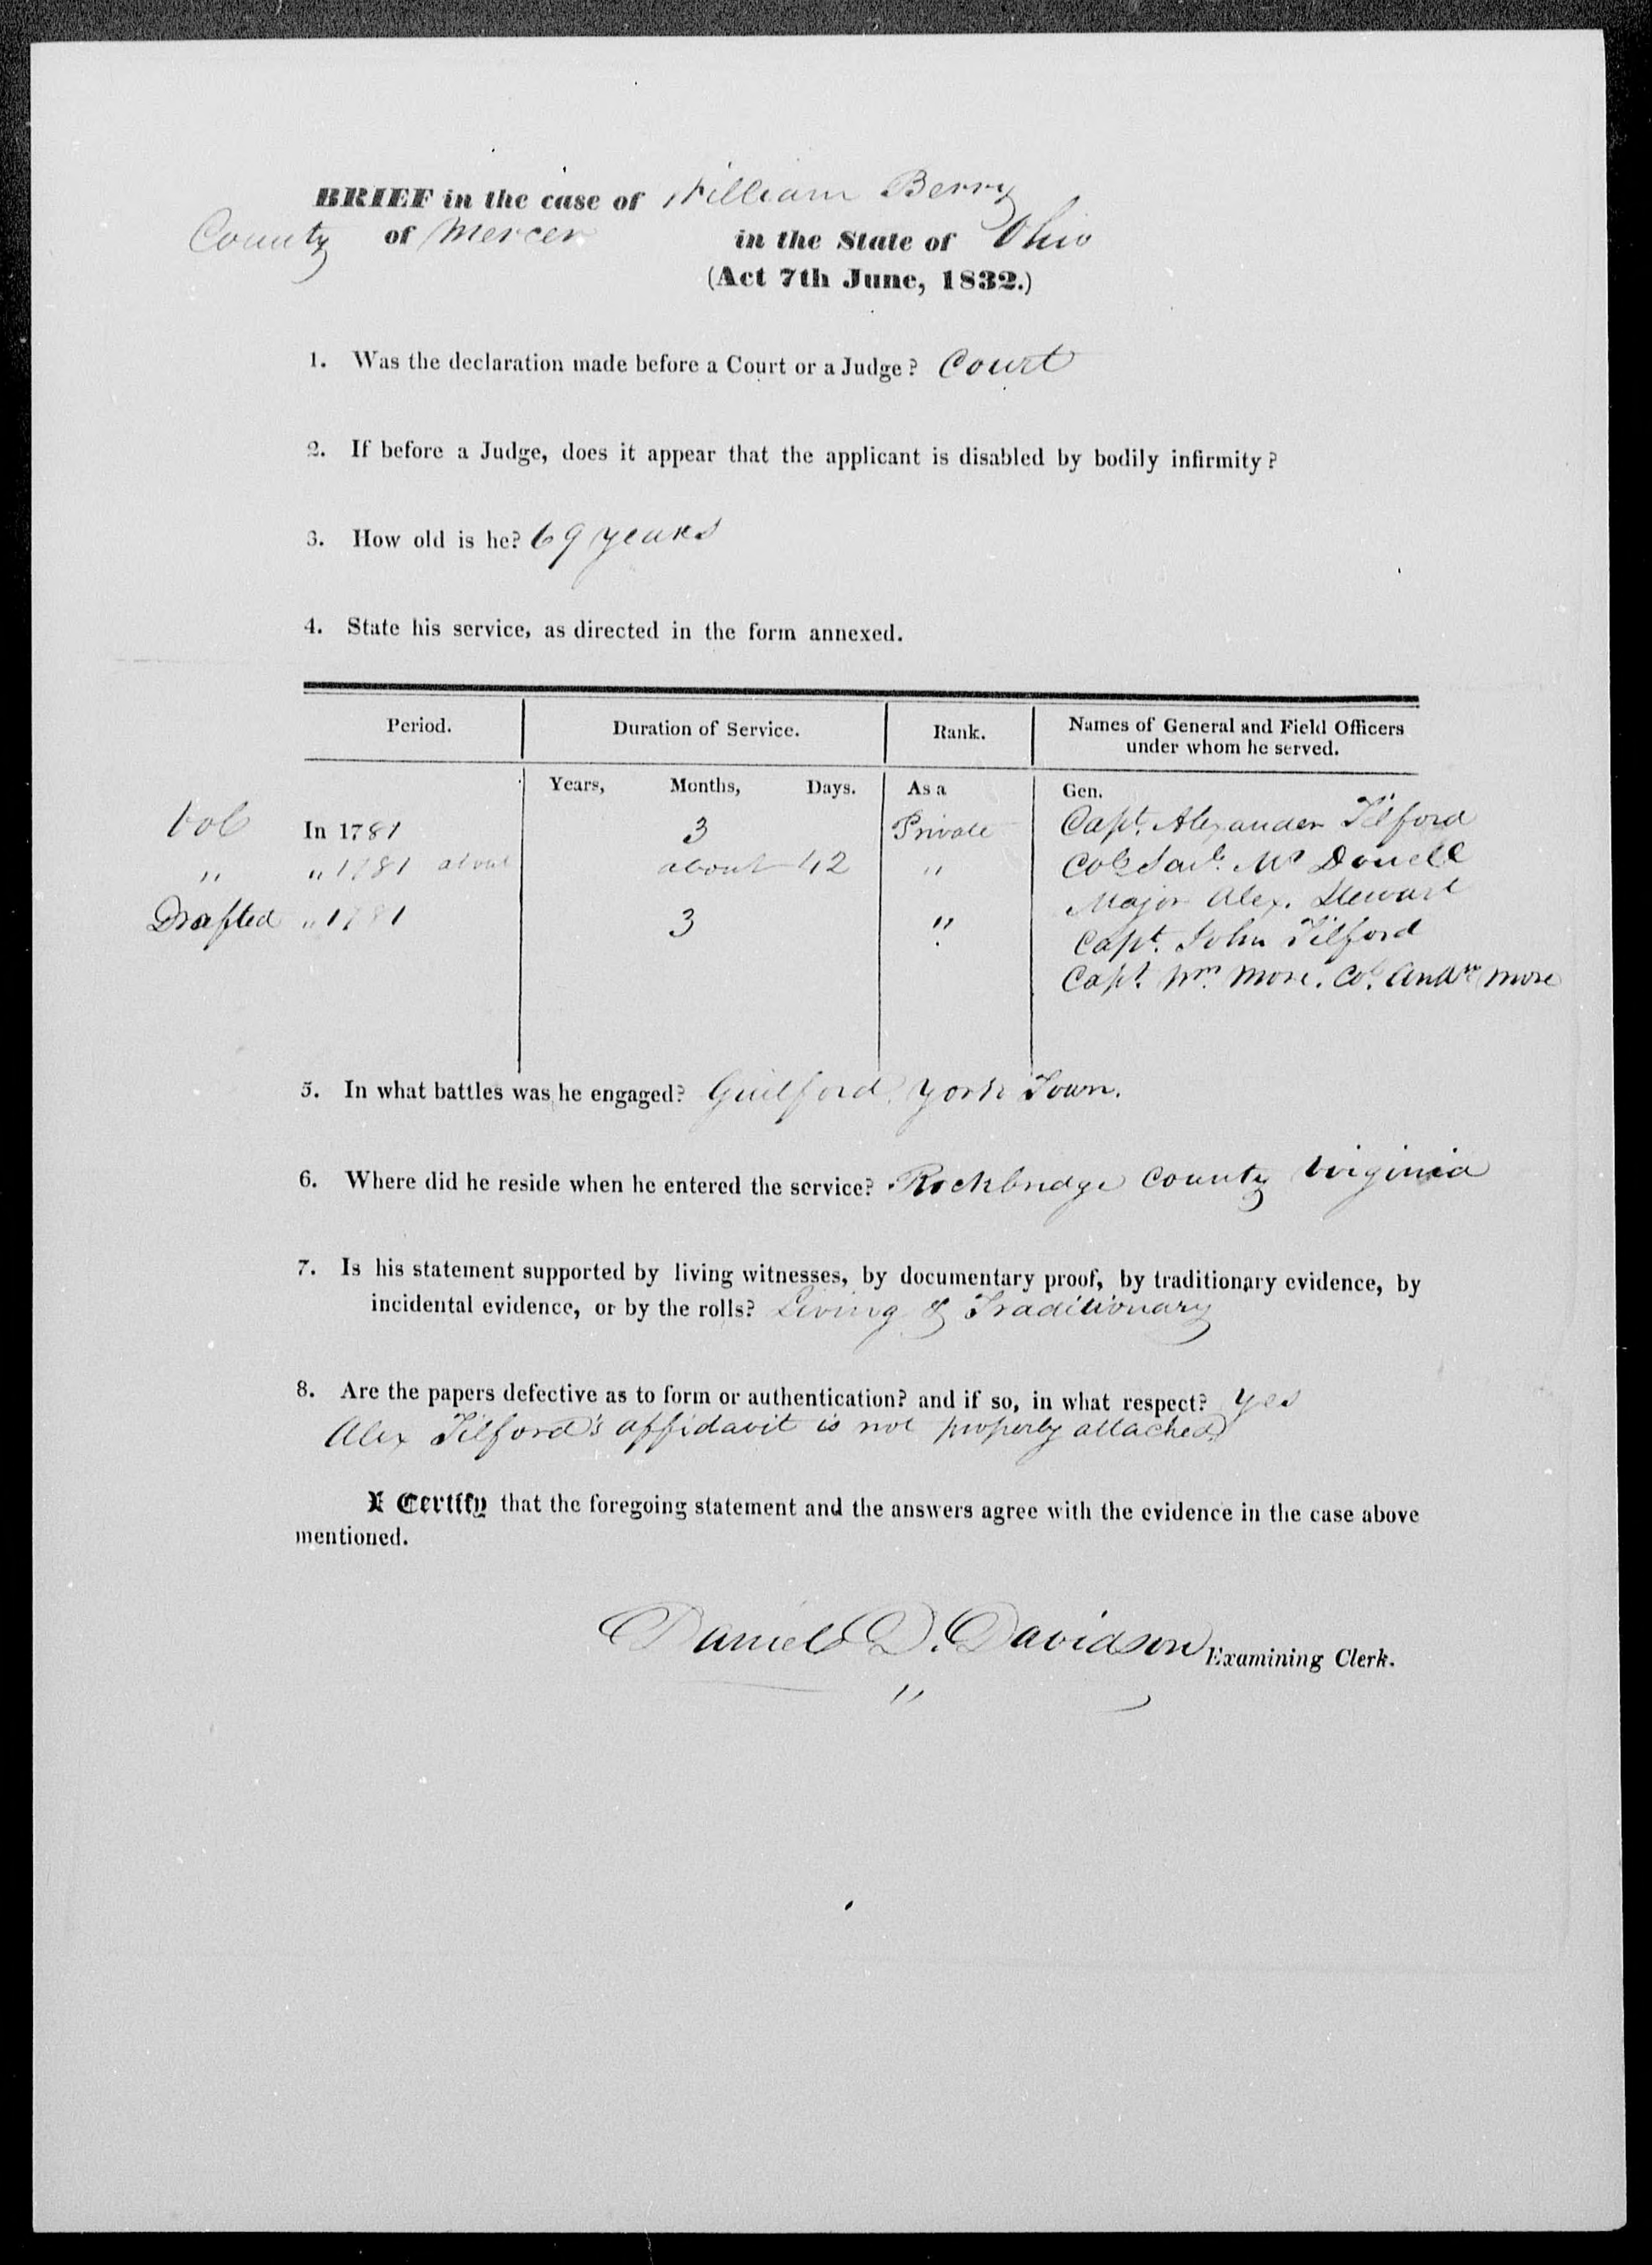[typed form, with handwritten responses]

BRIEF in the case of William Berry, County of Mercer in the State of Ohio
(Act 7th JUNE, 1832.)

1.  Was the declaration made before a Court or a Judge? Court

2.  If before a Judge, does it appear that the applicant is disabled by bodily infirmity?

3.  How old is he? 69 years

4.  State his service, as directed in the form annexed.

[column headings: Period. Duration of Service. Rank. Names of General and Field Officers under whom he served.]
Vol In 1781 3 [months] As a Private Capt. Alexander Tilford [Telford]
“ “ 1781 about about 42 [Days] “ Col. Saml. McDowell Major Alex. Stewart
Drafted “ 1781 3 [months] “ Capt. John Tilford Capt. Wm. More, Col. Andson [Anderson] More

5.  In what battles was he engaged? Guilford, York Town

6.  Where did he reside when he entered the service? Rockbridge County Virginia

7.  Is his statement supported by living witnesses, by documentary proof, by traditionary evidence, by incidental evidence, or by the rolls? Living & Traditionary

8.  Are the papers defective as to form or authentication? and if so, in what respect? yes Alex Tilford’s affidavit is not properly attached

I Certify that the foregoing statement and the answers agree with the evidence in the case above mentioned.

Daniel D. Davidson Examining Clerk.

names: John Tilford, Sael Mc Dowell, Wm More, William Berry, Alexander Tilford, Alex Steward, Daniel D Davidson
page: 11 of 21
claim: survivor's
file: S. 2,371, William Berry, Va.